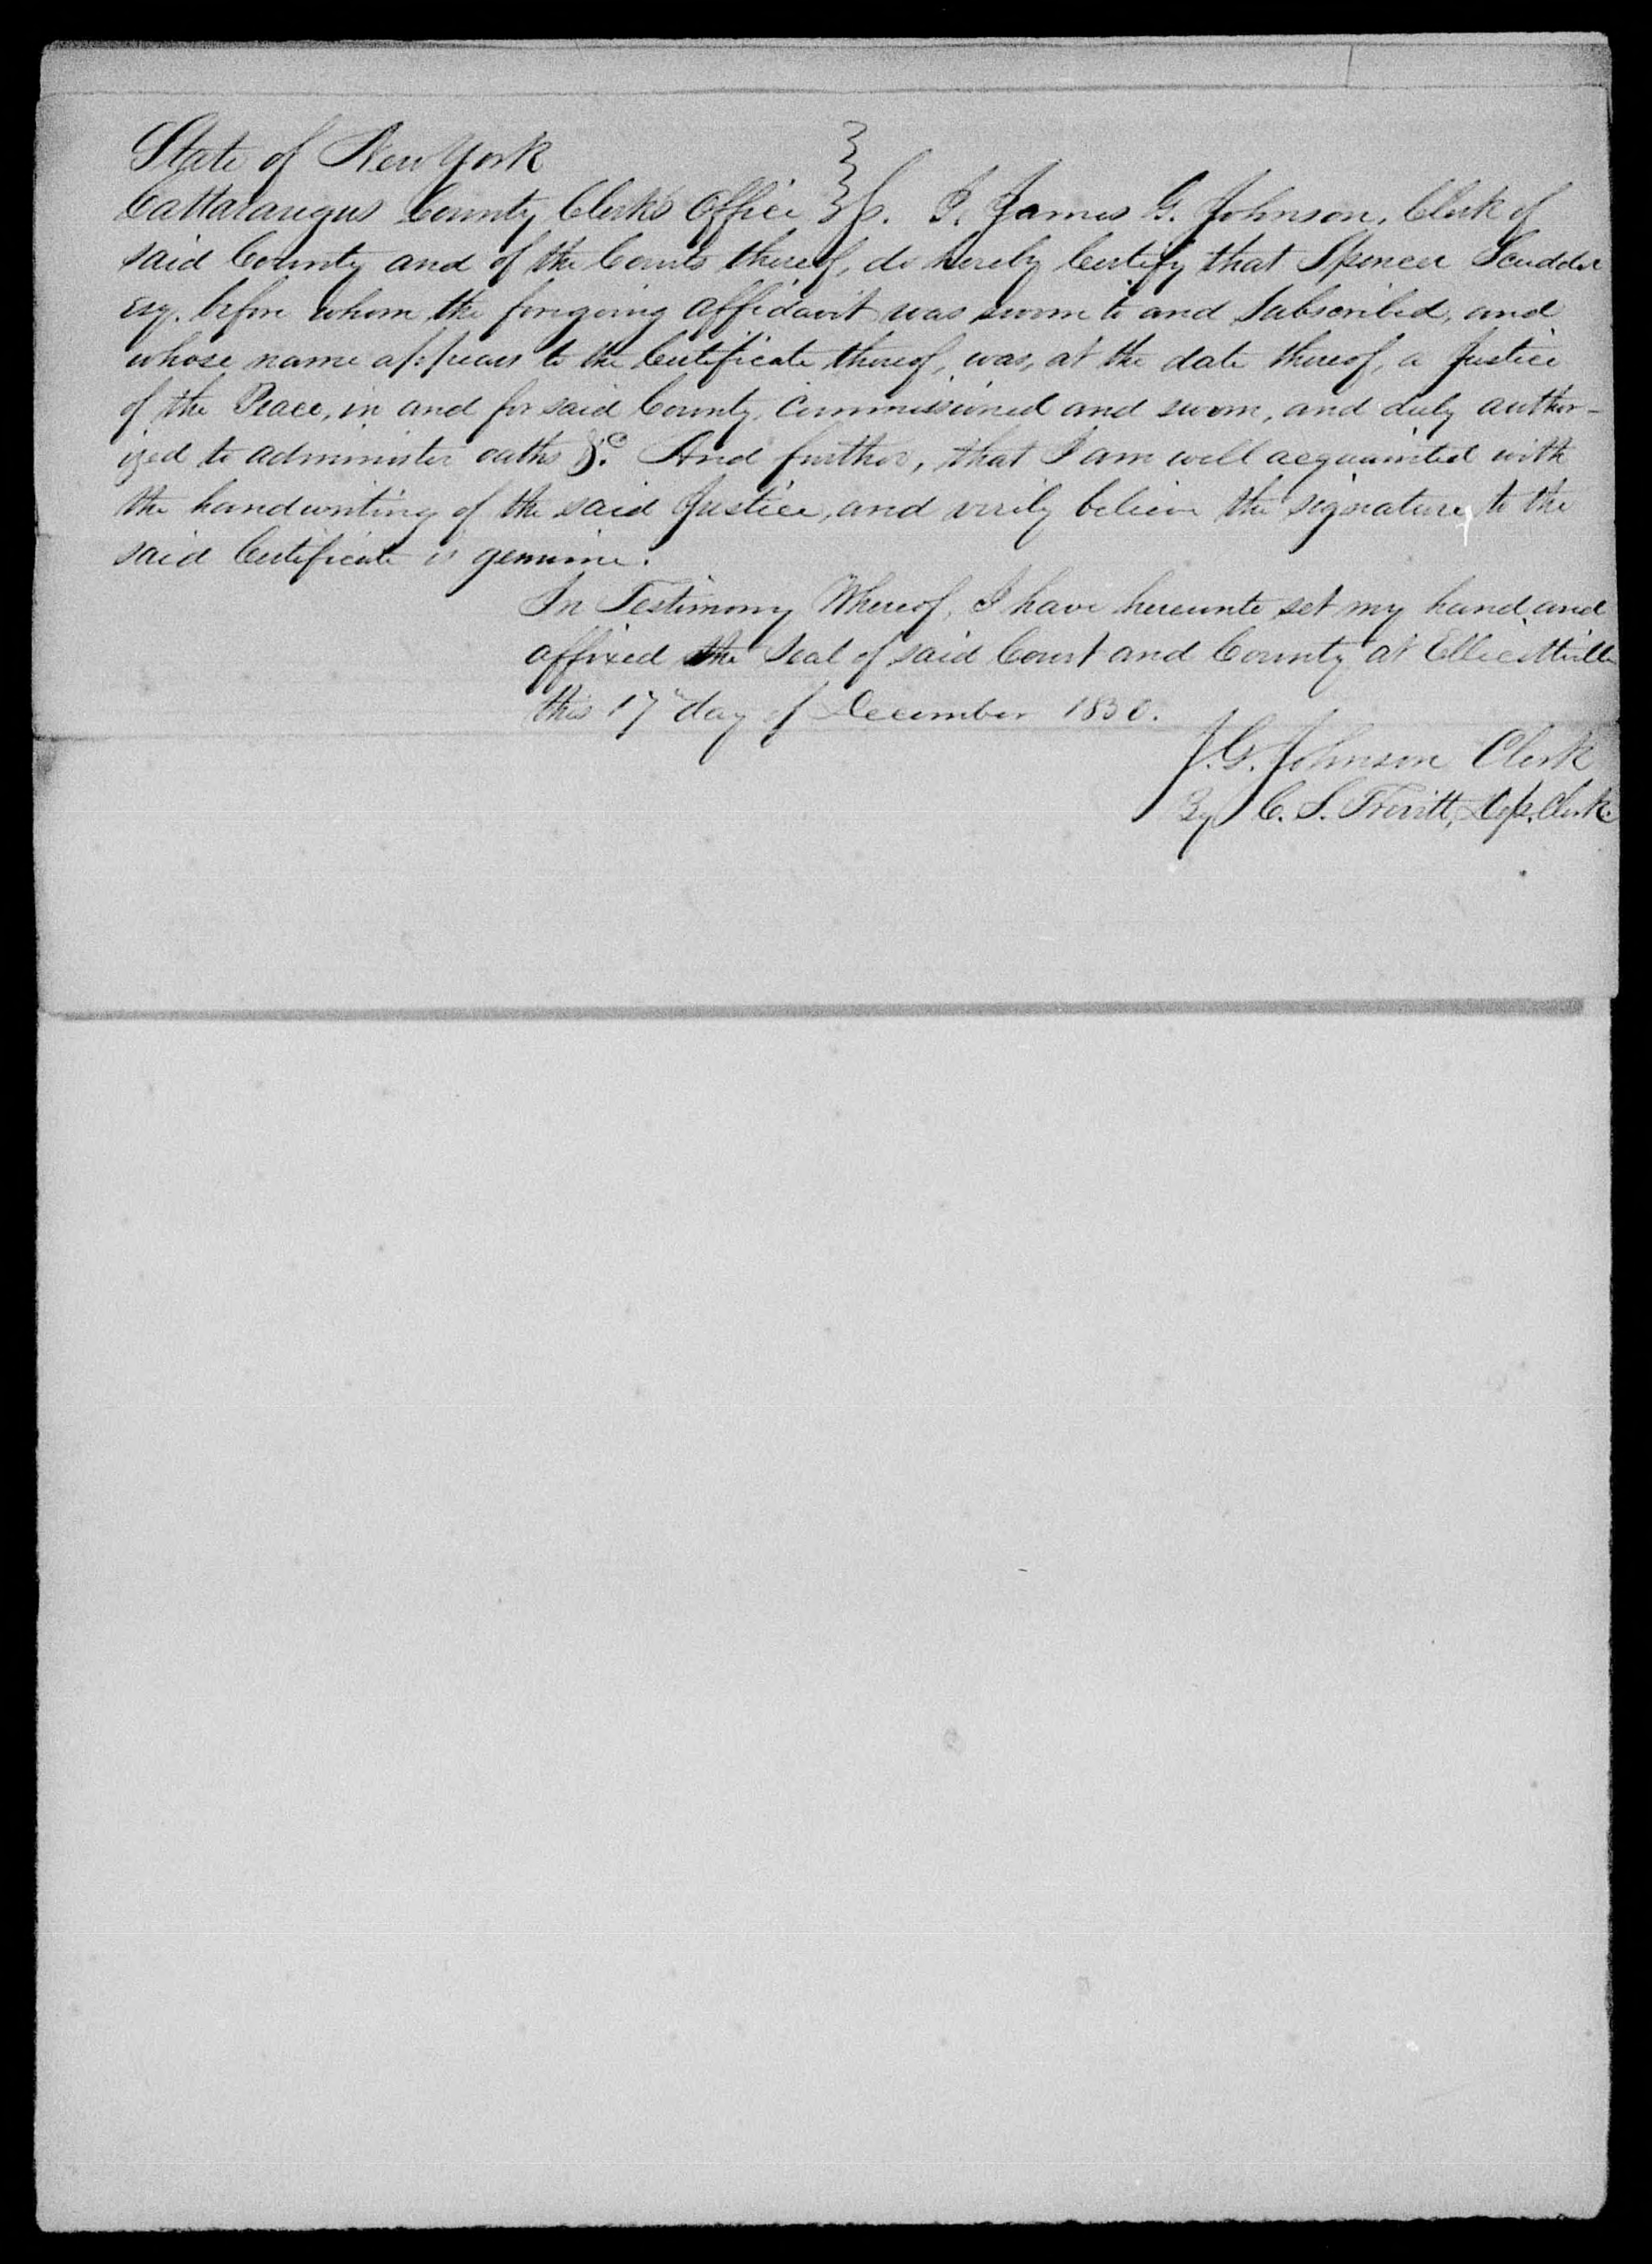State of New York
Cattaraugus County Clerk's Office} ss. I, James G. Johnson, Clerk of said County and of the Courts thereof, do hereby Certify that Spencer Scudder Esq. before whom the foregoing affidavit was sworn to and Subscribed, and whose name appears to the Certificate thereof, was, at the date thereof, a Justice of the Peace, in and for said County, commissioned and sworn, and duly authorized to administer oaths &c. And further, that I am well acquainted with the hand writing of the said Justice, and verily believe the signature to the said Certificate is genuine. 
[court seal] In Testimony Whereof, I have hereunto set my hand and affixed the Seal of said Court and County at Ellicottville this 17th day of December 1850. 
/s/J. G. Johnson Clerk
By C. S. Trevitt, Dep. Clerk.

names: Spencer Scudder, C S Trevitt, J G Johnson, James G Johnson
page: 80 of 80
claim: survivor's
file: S. 18008, Thomas Harvey, N.H.